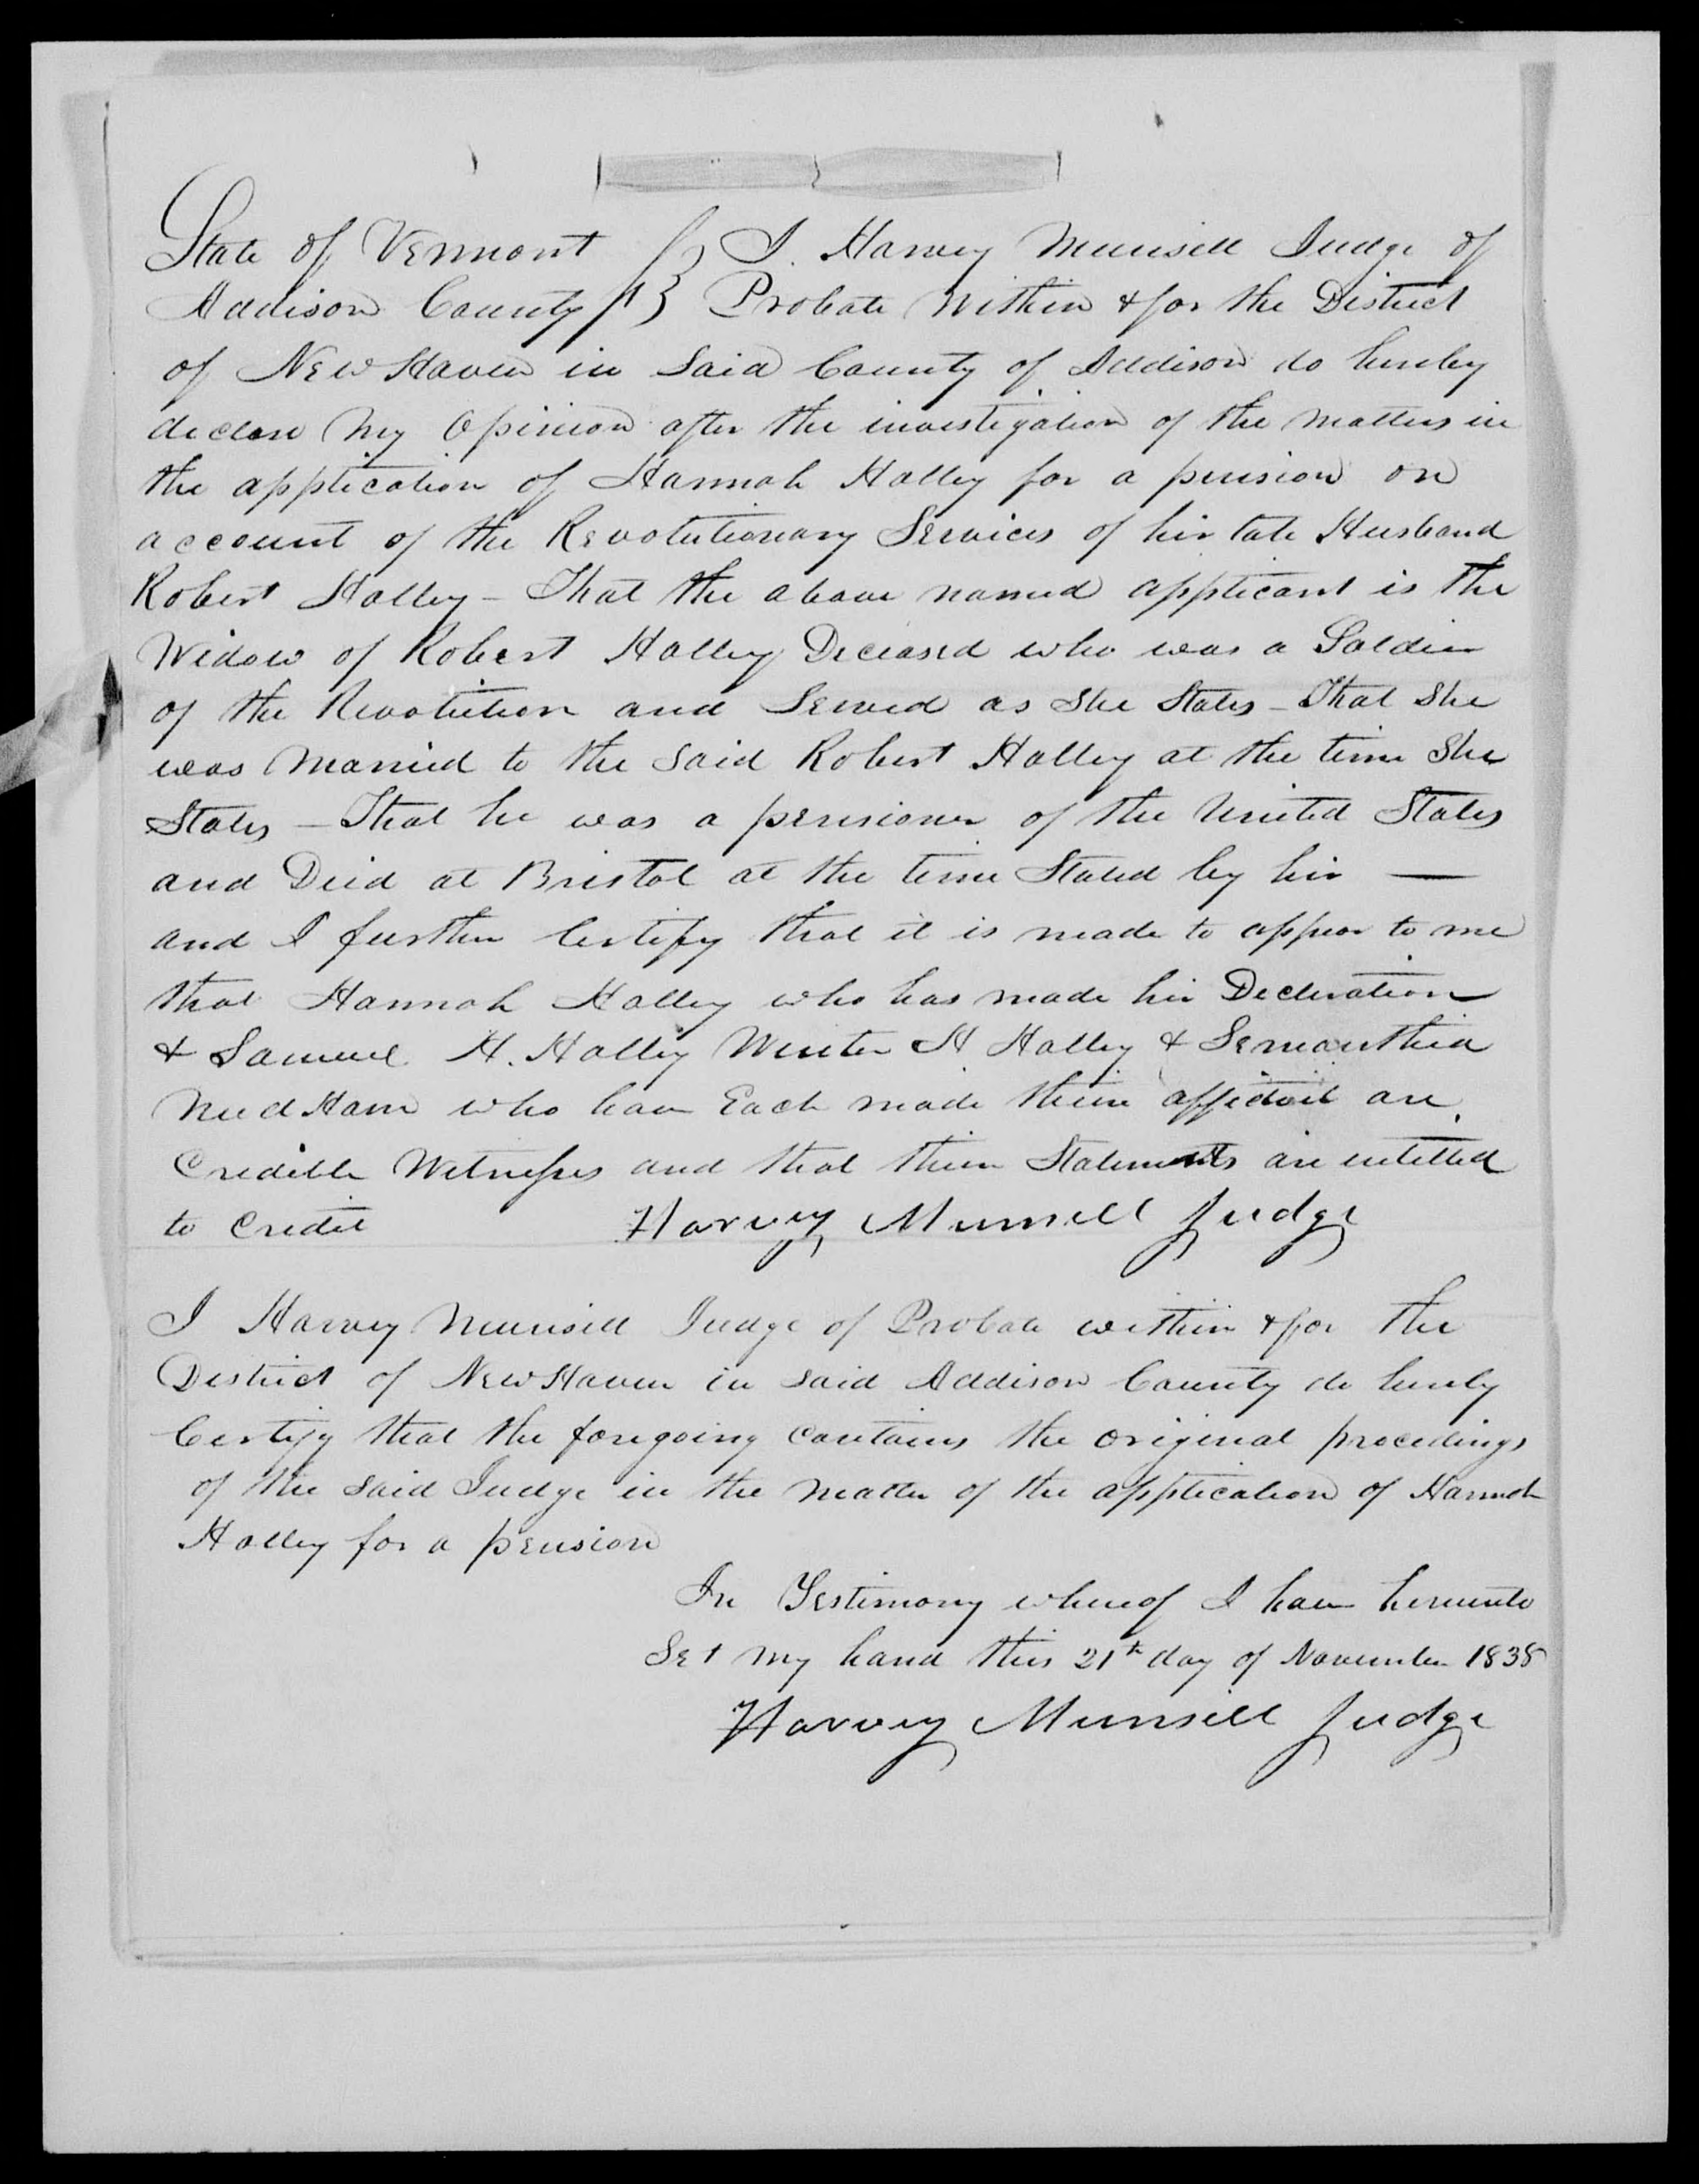State of Vermont
Madison County

I Harvey Munsill Judge of Probate within & for the District of New Haven in said County of Addison do hereby declare my opinion after the investigation of the matters in the application of Hannah Holley for a pension on account of the Revolutionary Services of her late husband Robert Holley. That the above named applicant is the widow of Robert Holley deceased who was a soldier ofdthe revolution and served as she states. That she was married to the said Robert Holley at the time she states. That he was a pensioner of the United States and died at Bristol at the time stated by her and I further certify that it is made to appear to me that Hannah Holley who has made her declaration & Samuel H Holley, Winter H Holley, & Samanthia Nudham who has each made their affidavit on credible witness and that their statements are entitled to credit.

Harvey Munsill Judge

I Harvey Munsill Judge of Probate within & for the District of New Haven in said Addison County do hereby certify that the foregoing contains the original precedings of the said Judge in the matter of the application of Hannah Holley for a pension.

In testimony whereof I have hereunto set my hand this 21st day of November 1838.

Harvey Munsill Judge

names: Harvey Munsill, Samuel H Holley, Winter H Holley, Harvey Munsill, Robert Holley, Hannah Halley, Robert Holley, Harvey Munsill, Hannah Halley, Harvey Munsill, Robert Holley, Hannah Halley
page: 6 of 62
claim: widow's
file: W. 21391, Robert Holley, Conn.